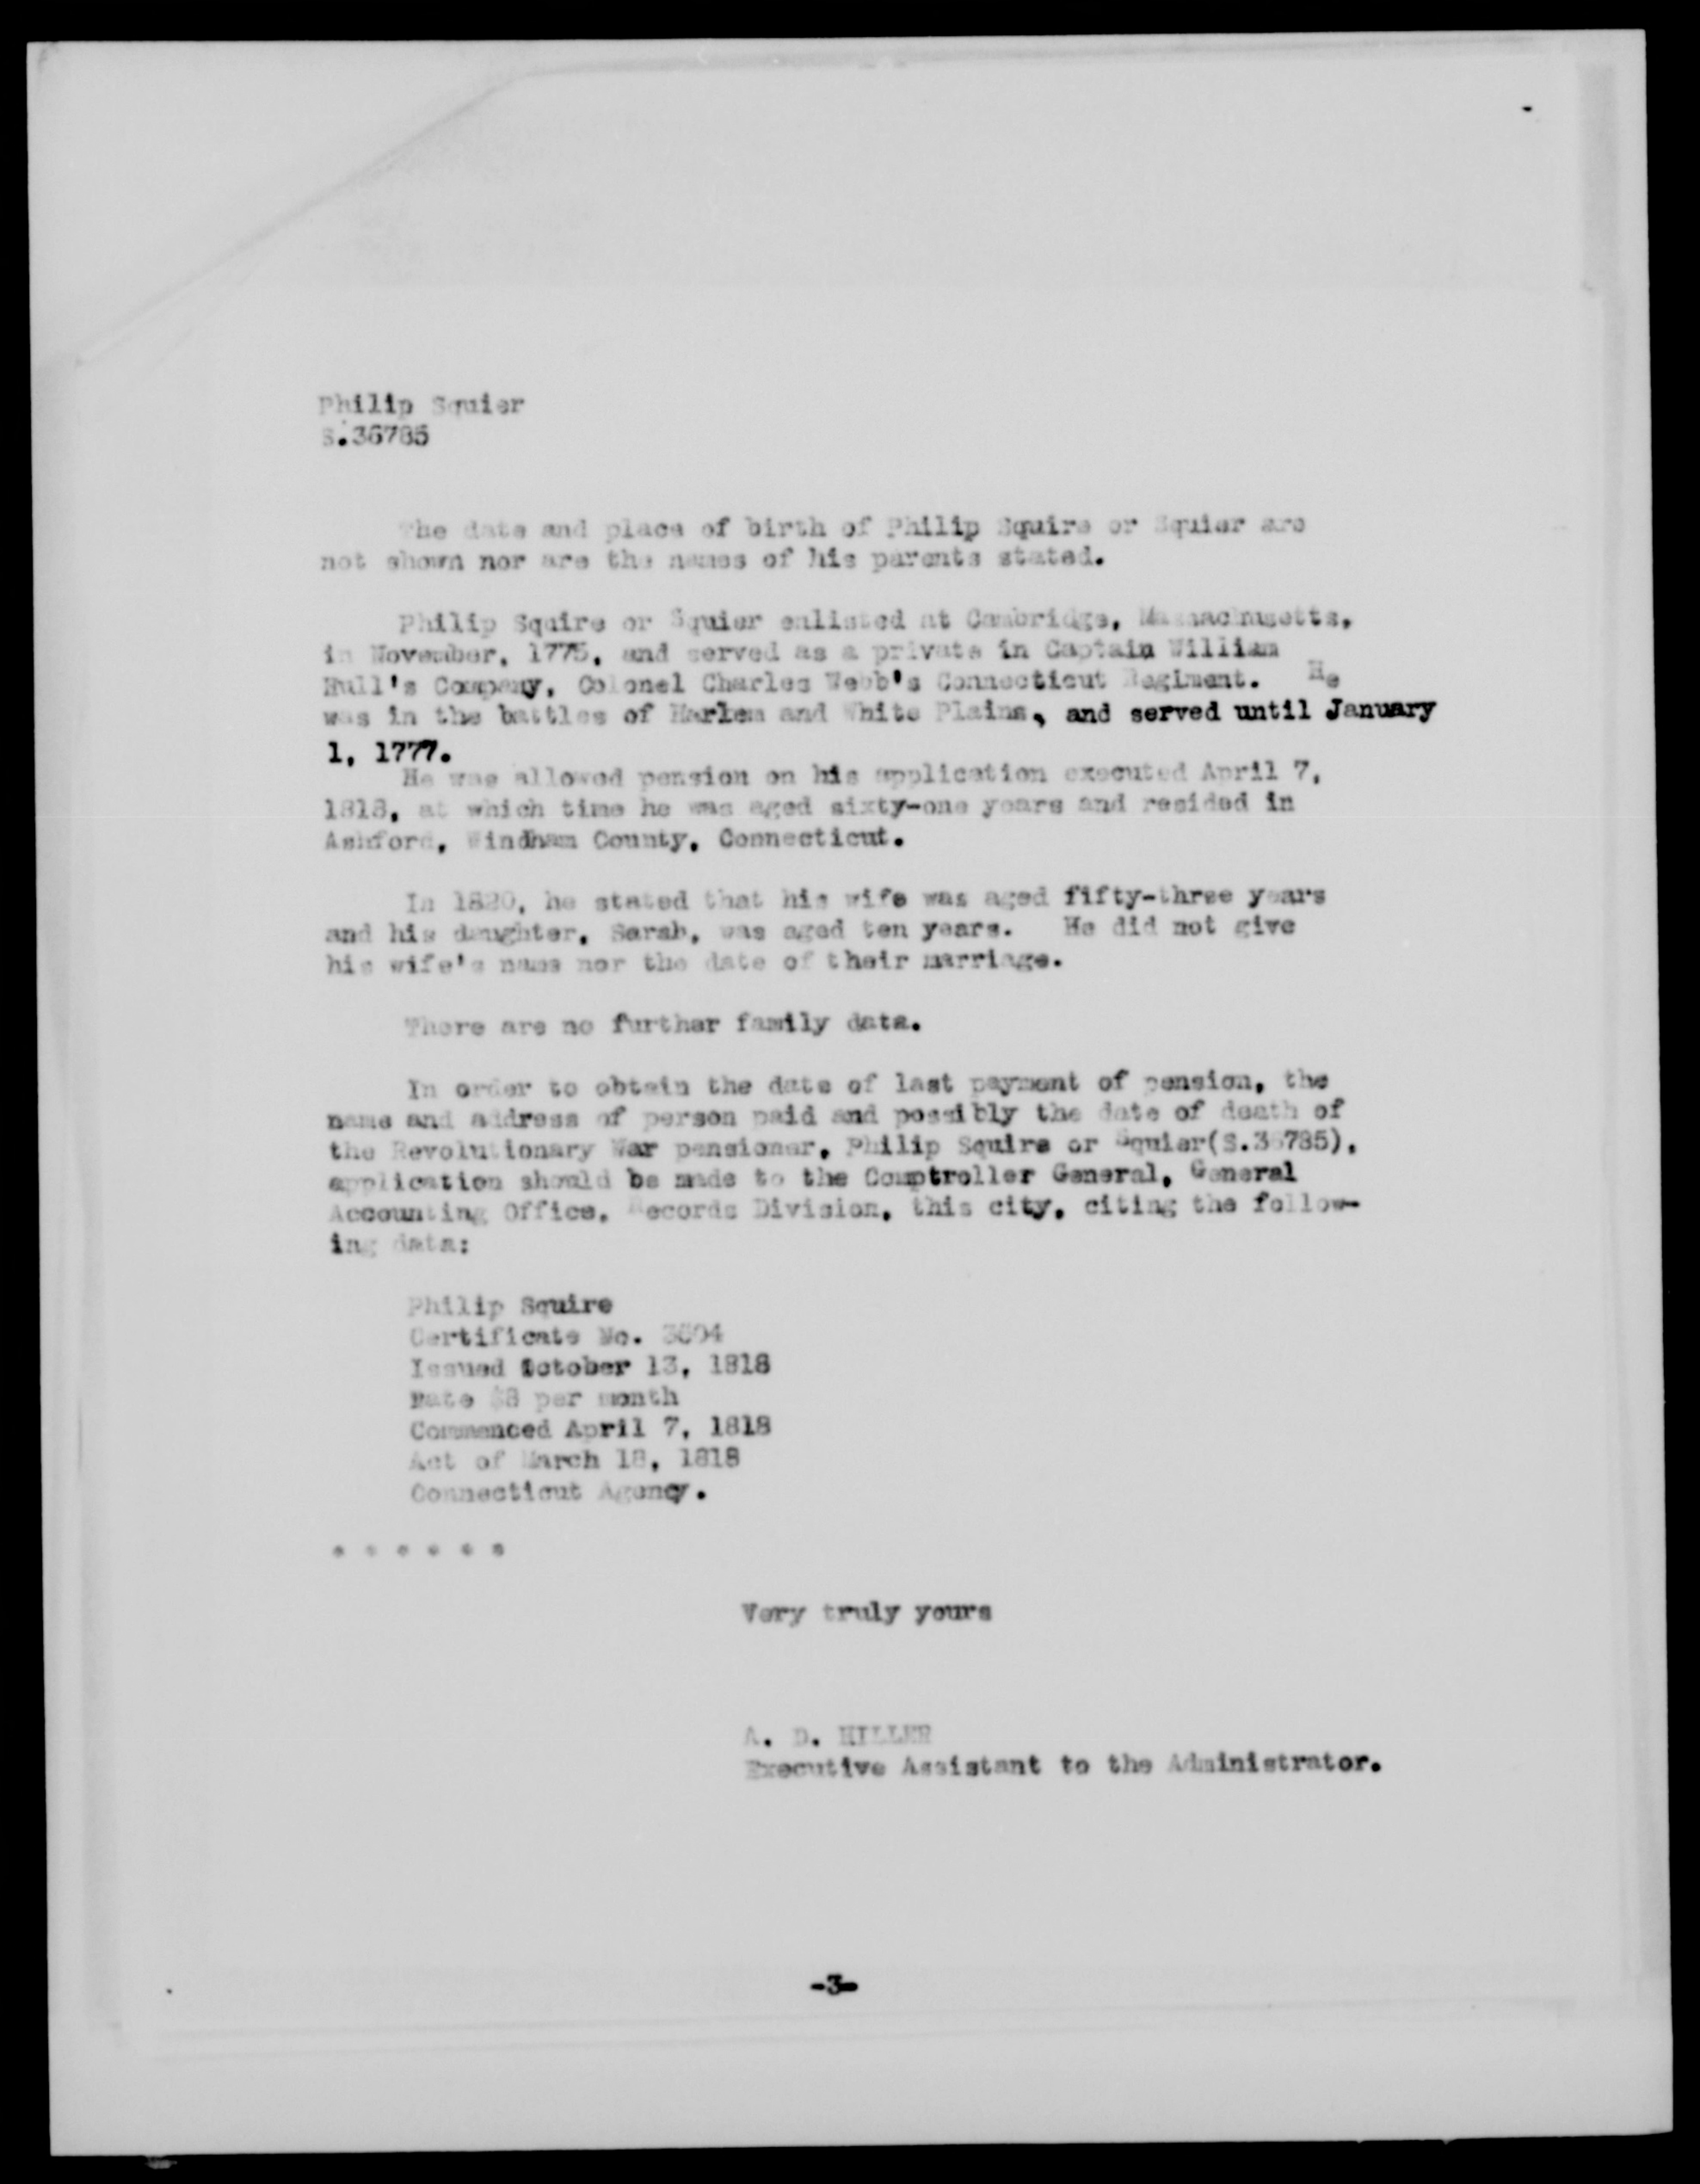Philip Squier 
S. 36785

The date and places of birth of Philip Squire or Squier are not shown nor are the names of his parents stated. 

Philip Squire or Squier enlisted at Cambridge, Massachusetts, in November, 1775 and served as a private in Captain William Hull's Company, Colonel Charles Webb's Connecticut Regiment. He was in the battles of Harlem and White Plains, and served until January 1, 1777.
He was allowed pension on his application executed April 7, 1818, at which time he was aged sixty-one years and resided in Ashford, Windham County, Connecticut.

In 1820, he stated that his wafe was aged fifty three years and his daughter, Sarah was aged ten years. He did not give his wife's name nor the date of their marriage. 

There are no further family data. 

In order to obtain the date of last payment of pensio, the name and address of person paid and possibly the date of death of the Revolutionary War pensioner, Philip. Squire or Squier (S.36785), application should be made to the Controller General, General Accounting Office, Records Division, this city, citing the following data.

Philip Squire
Certificate No. 3604
Issued October 13, 1818
Rate $8 per month
Commenced April 7, 1818
Act of March 18, 1818
Connecticut Agency. 

Very Truly yours

A.D. Hiller
Executive Assistant to the Administrator

-3-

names: Sarah [BLANK]; Philip Squire; Philip Squier; Philip Squire; Philip Squier; Philip Squire; Philip Squire; A D Hiller; Philip Squier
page: 65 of 70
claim: rejected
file: R. 10,026, for Ephraim Squier, Connecticut